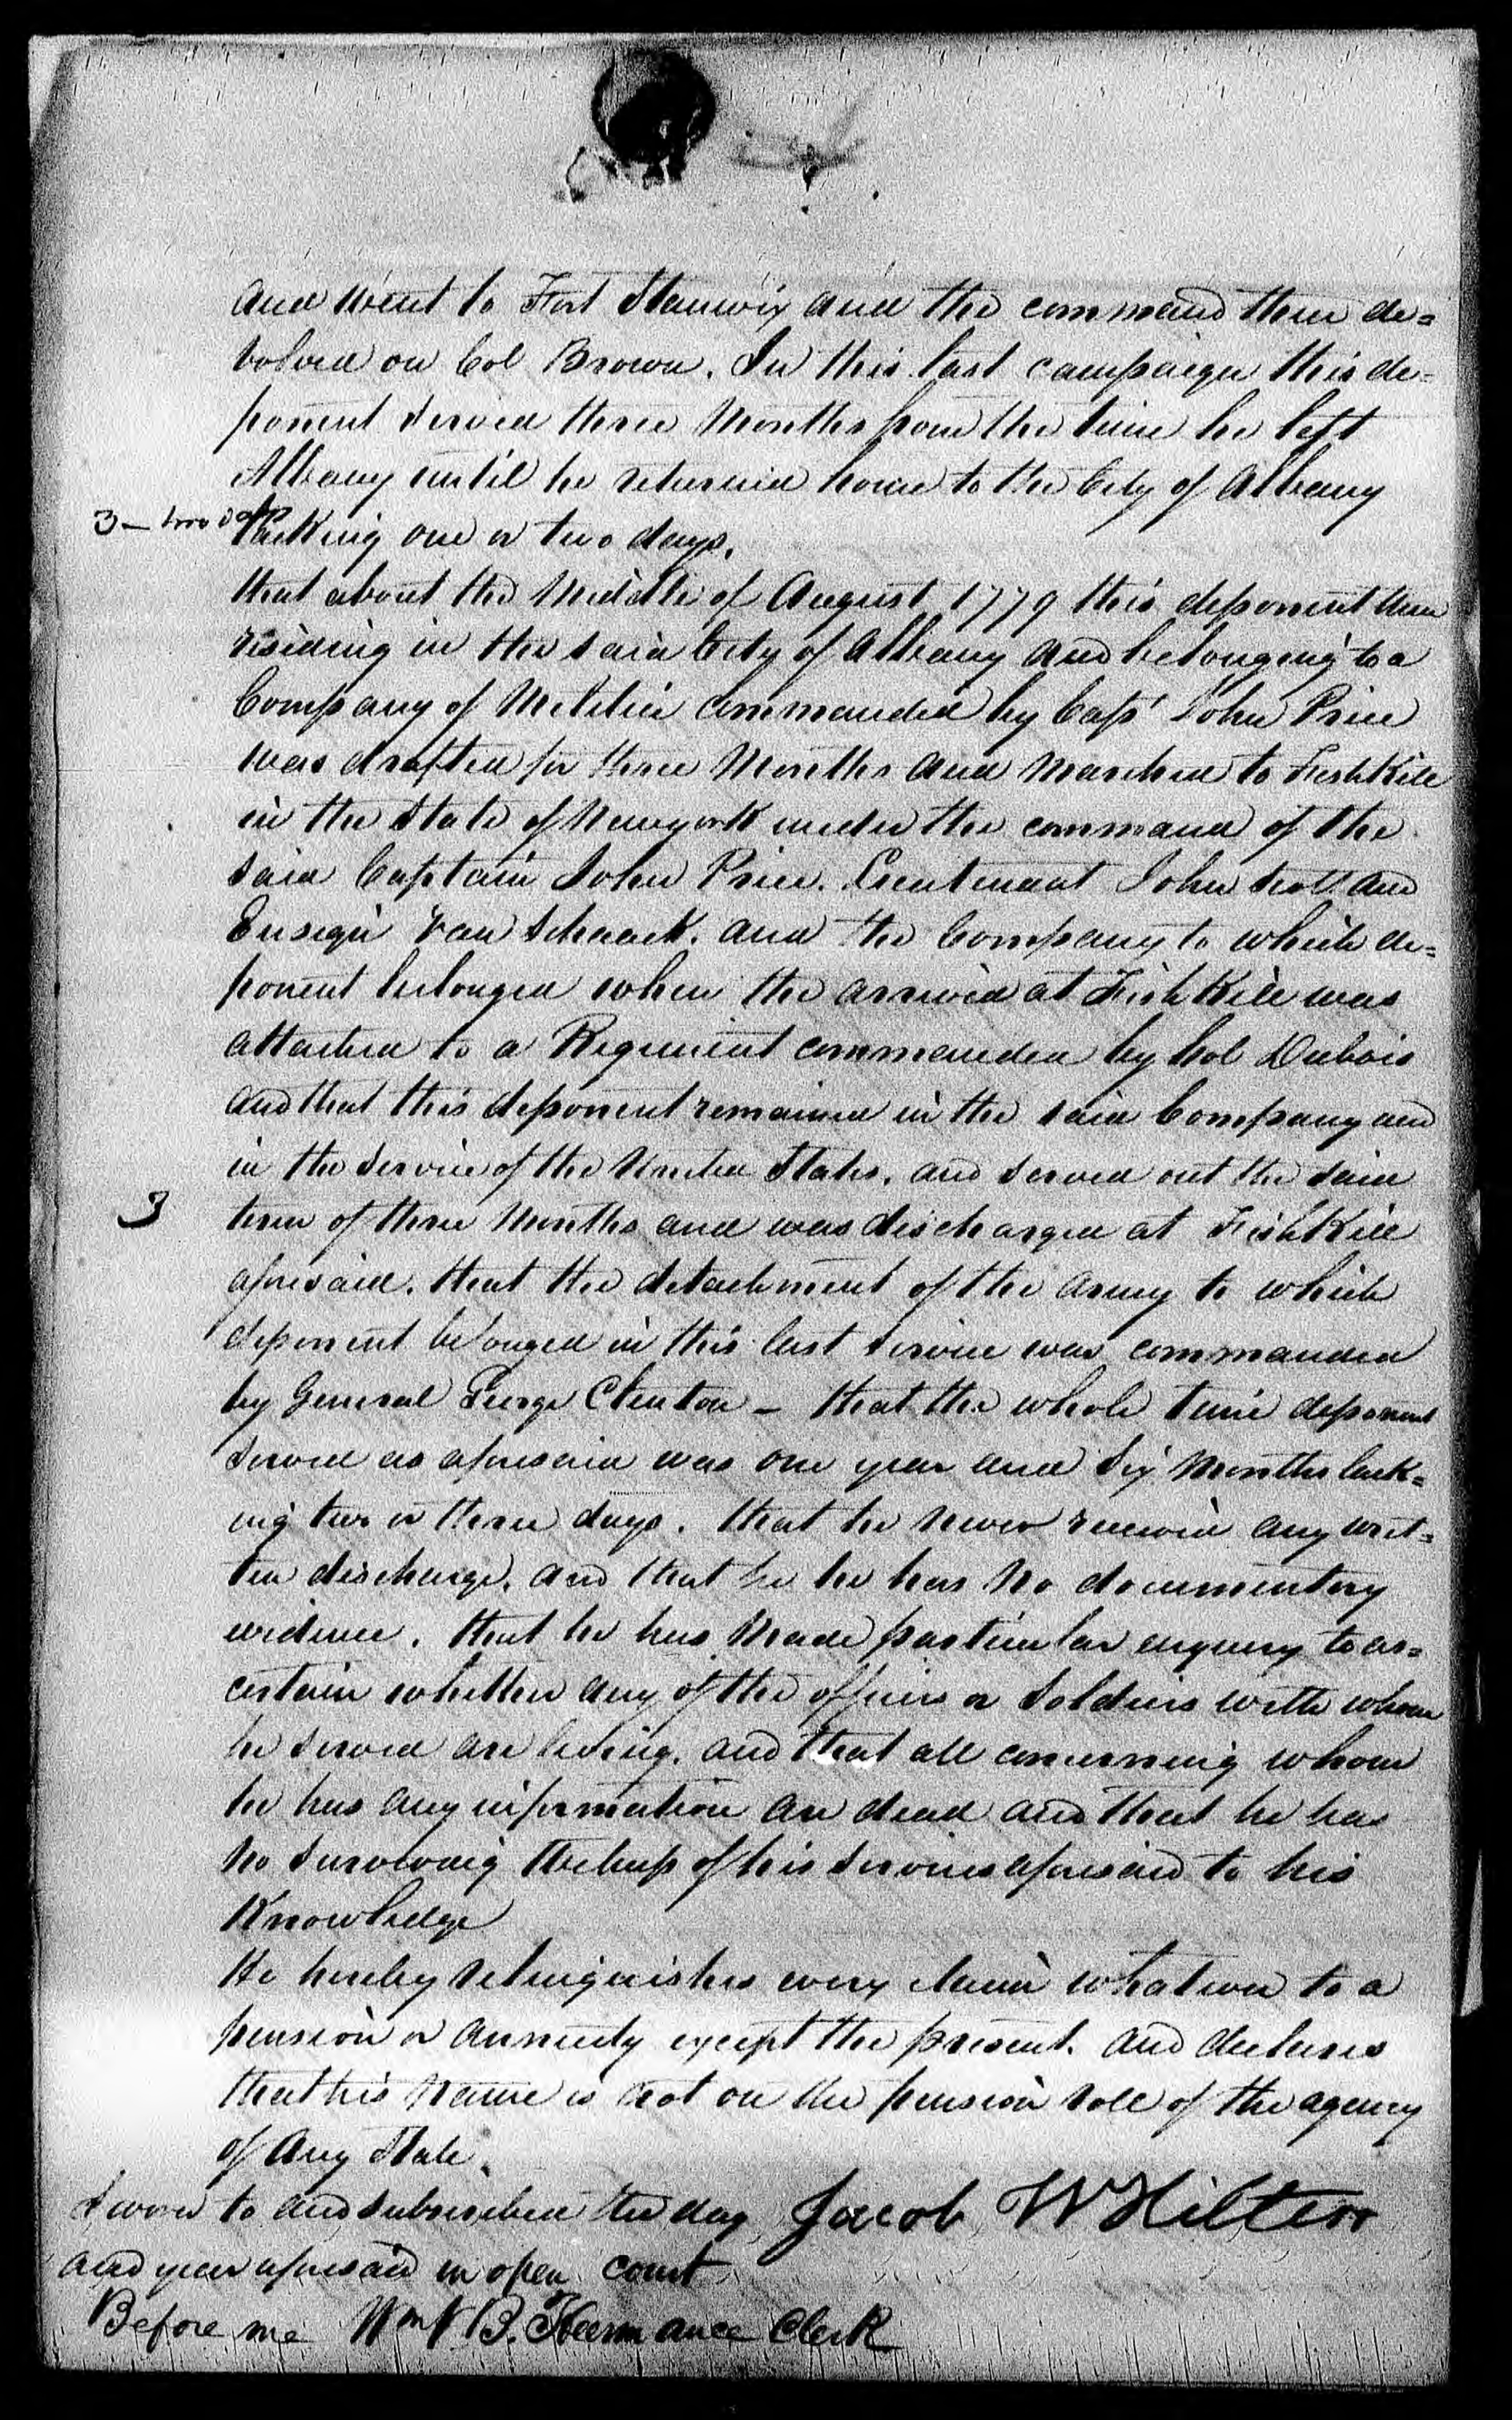And went to Fort Stanwix and the command there devolved on Col Brown.  In this last campaign this de=ponent Served three Months from the time he left Albany until he returned home to the City of Albany taking one or two days.
That about the middle of August 1779 this deponent then residing in the said City of Albany and belonging to a Company of Militia commanded by Capt John Price
was drafted for three Months and Marched to Fishkill in the State of Newyork under the command of the Said Captain John Price.  Lieutenant John Scott and Ensign Van Schaick and the Company to which de=ponent  belonged then they arrived at Fishkill was attached to a Regiment commanded by Col Dubois and that this deponent remained in the said Company and in the Service of the United States, and served out the said term of three months and was discharged at Fishkill aforesaid.  That the detachment of the Army to which deponent belonged in this last Service was commanded by General George Clinton that the whole time deponent Served as aforesaid was one year and Six months lack=ing two or three days.  That he never received any writ=ten discharge, and that he has no documentary evidence.  That he has made particular inquiry to ascertain whether any of the officers or Soldiers with whom he served are living, and that all concerning whom he has any information are dead and that he has no Surviving --- of his Services aforesaid to his knowledge.
He hereby relinquishes every claim whatever to a pension or annuity except the present and declares that his name is not on the pension roll of the agency of any State.
Sworn to and subscribed this day, Jacob W Hilten
and year aforesaid in open court
Before me --- Wm -B. Keenan and Clerk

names: John Scotland, Wm V B Heermance, Dubois, George Clinton, Van Schaack, John Price, Jacob W Hilton, John Price, Brown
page: 5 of 48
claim: widow's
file: W. 19788, Jacob W Hilton, New York